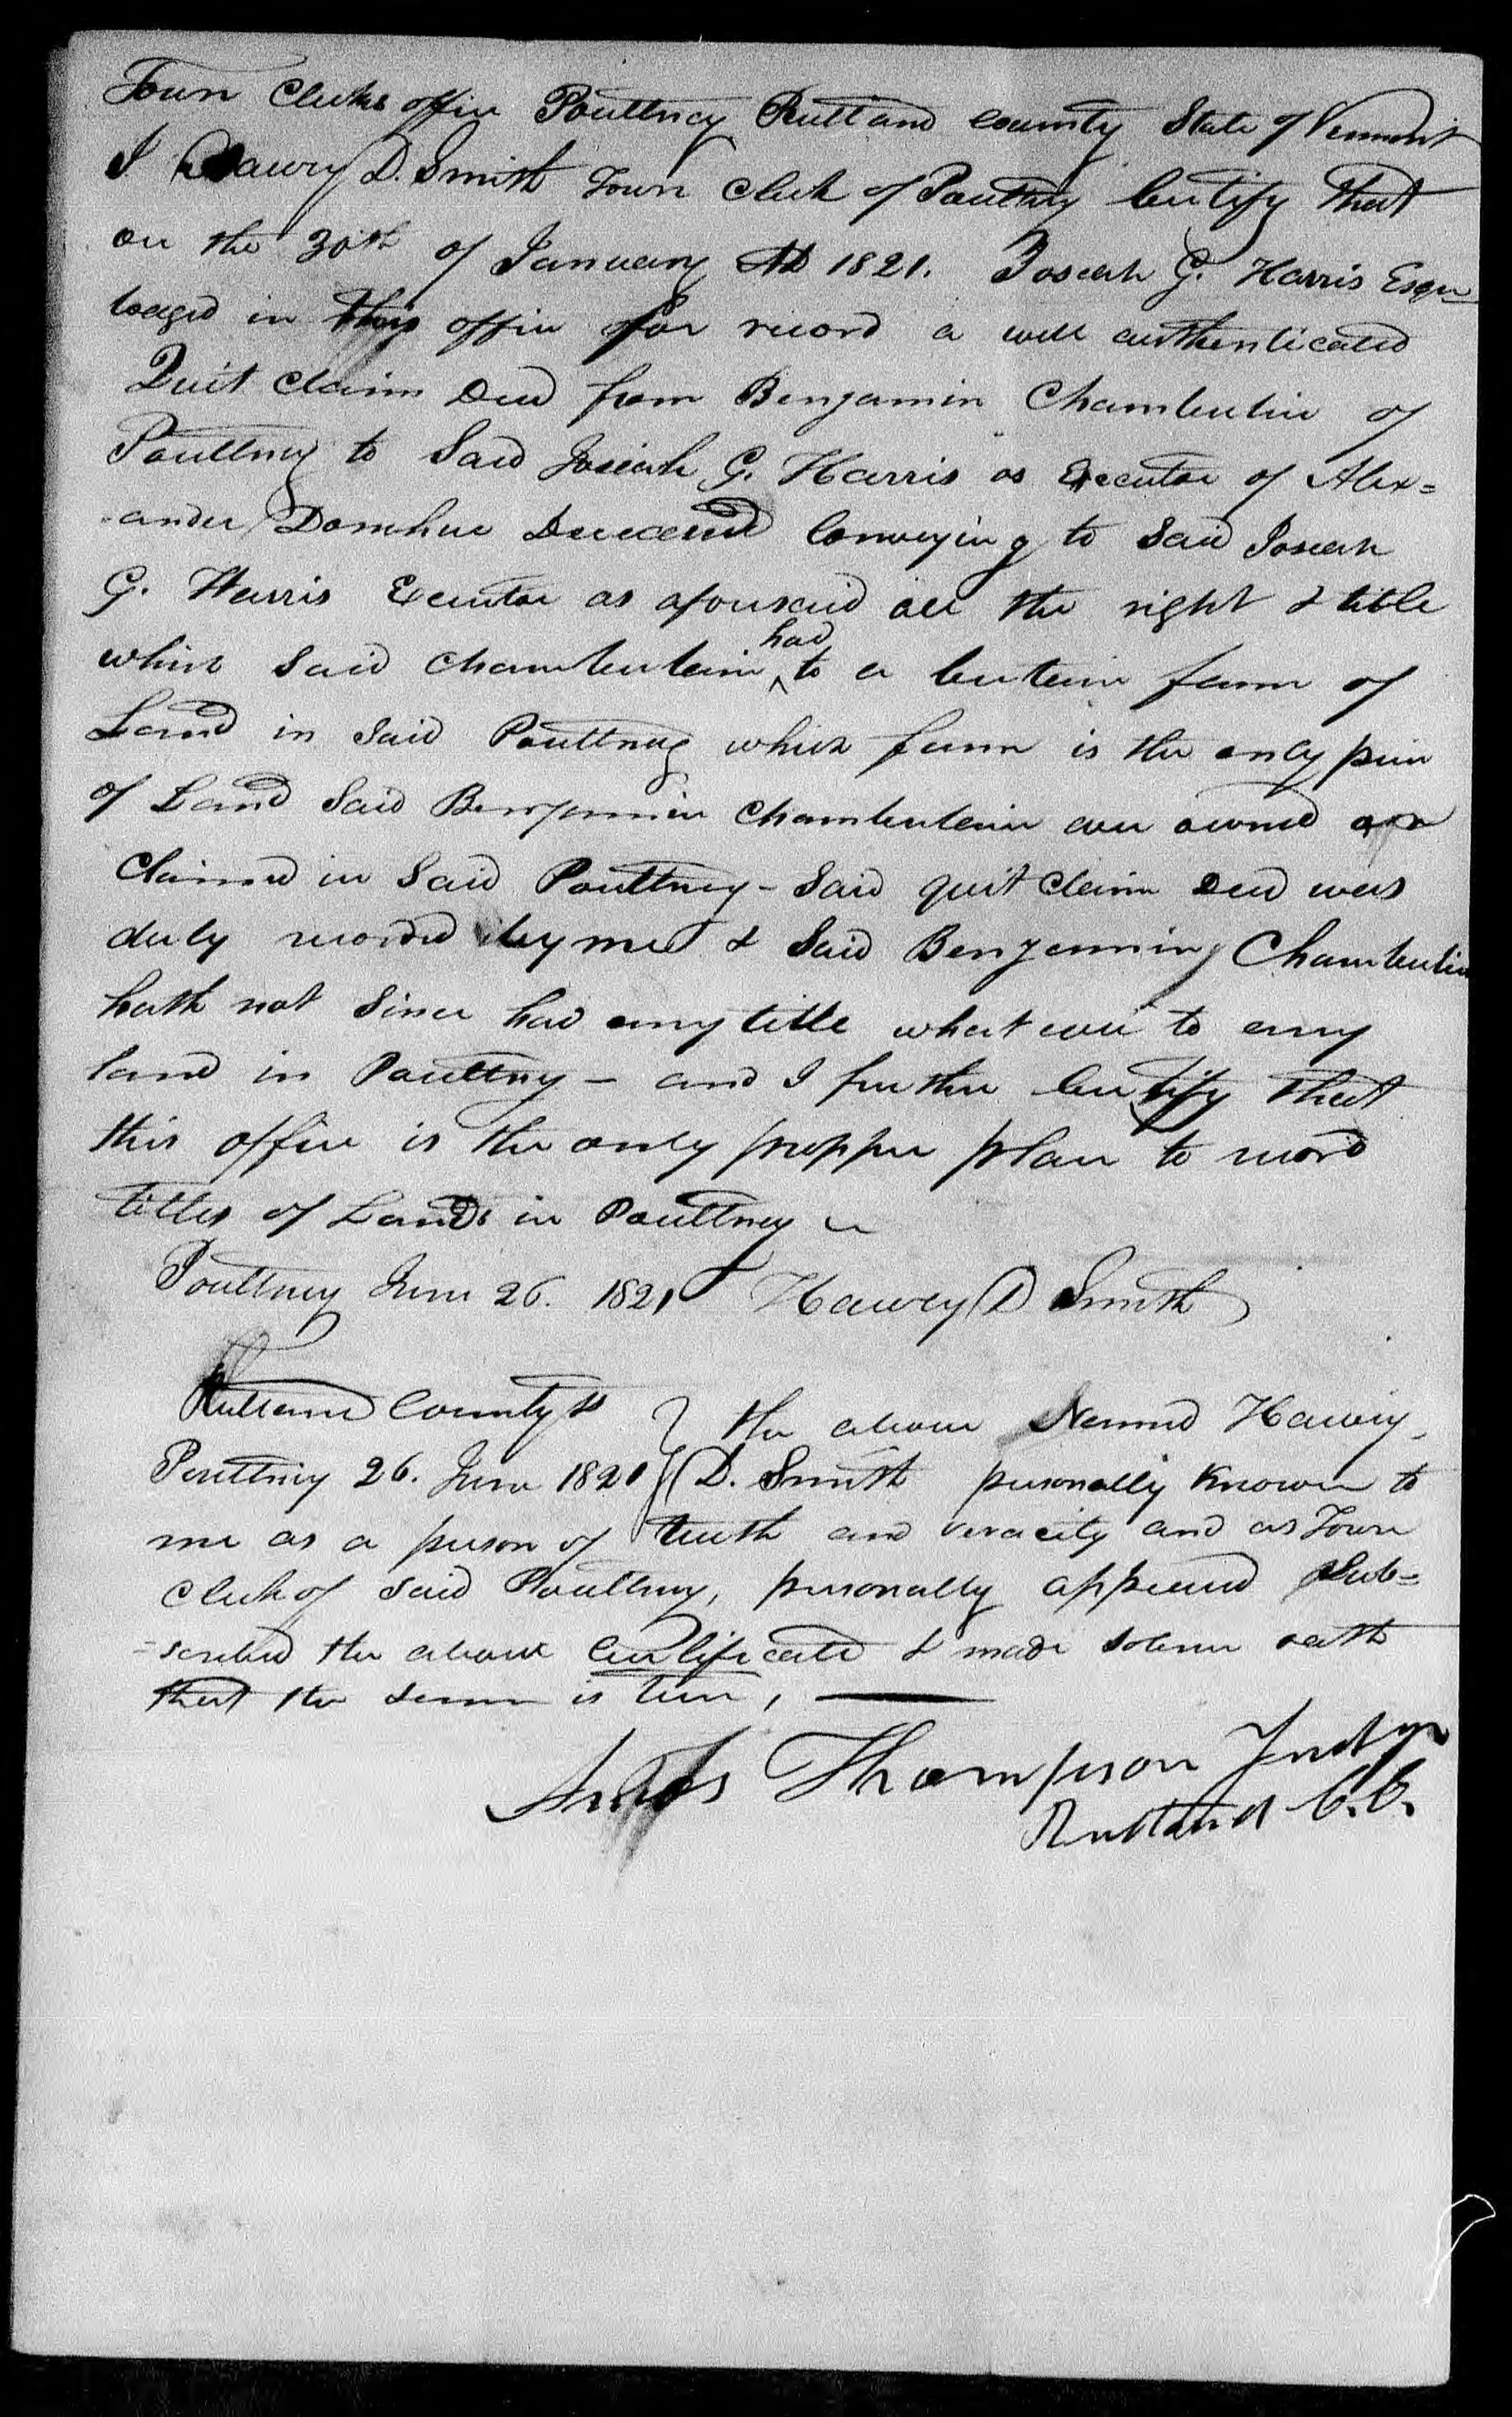Town Clerks office Poultney Rutland County State of Vermont
I Daury D. Smith Town Clerk of Poultney certify that on the 30th of January AD 1821, Josiah G. Harris Esq (illegible) in this office for record a well authenticated Quit claim due from Benjamin Chamberlin of Poultney to said Josiah G. Harris as Executor of Alexander Donehue deceased conveying to said Josiah G. Harris Executor as aforesaid all the right & title which said Chamberlin had to a (illegible) farm of land in said Poultney which farm is the only piece of land said Benjamin Chamberlain ever owned and claimed in said Poultney - said quit claim deed was duly recorded by me & said Benjamin Chamberlin hath not since had any title what ever to any land in Poultney - and I further certify that this office is the only propper place to record titles of land in Poultney -   Poultney June 26 1821  Harvey D Smith

Rutland County ss. Poultney 26 June 1821:  the above named Harvey D. Smith personally known to me as a person of truth and veracity and as Town Clerk of said Poultney, personally appeared subscribed the above certificate & made solemn oath that the (illegible) is true
(1st name smudged) Thompson  Judge Rutland C.C.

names: Alexander Donohue, Amos Thompson, Harvey D Smith, Josiah G Harris, Benjamin Chamberlin, Josiah G Harris, Harvey D Smith, Harvey D Smith, Chamberlain, Josiah G Harris, Benjamin Chamberlin, Benjamin Chamberlain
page: 16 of 30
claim: survivor's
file: S. 39306, Benjamin Chamberlin, Mass.